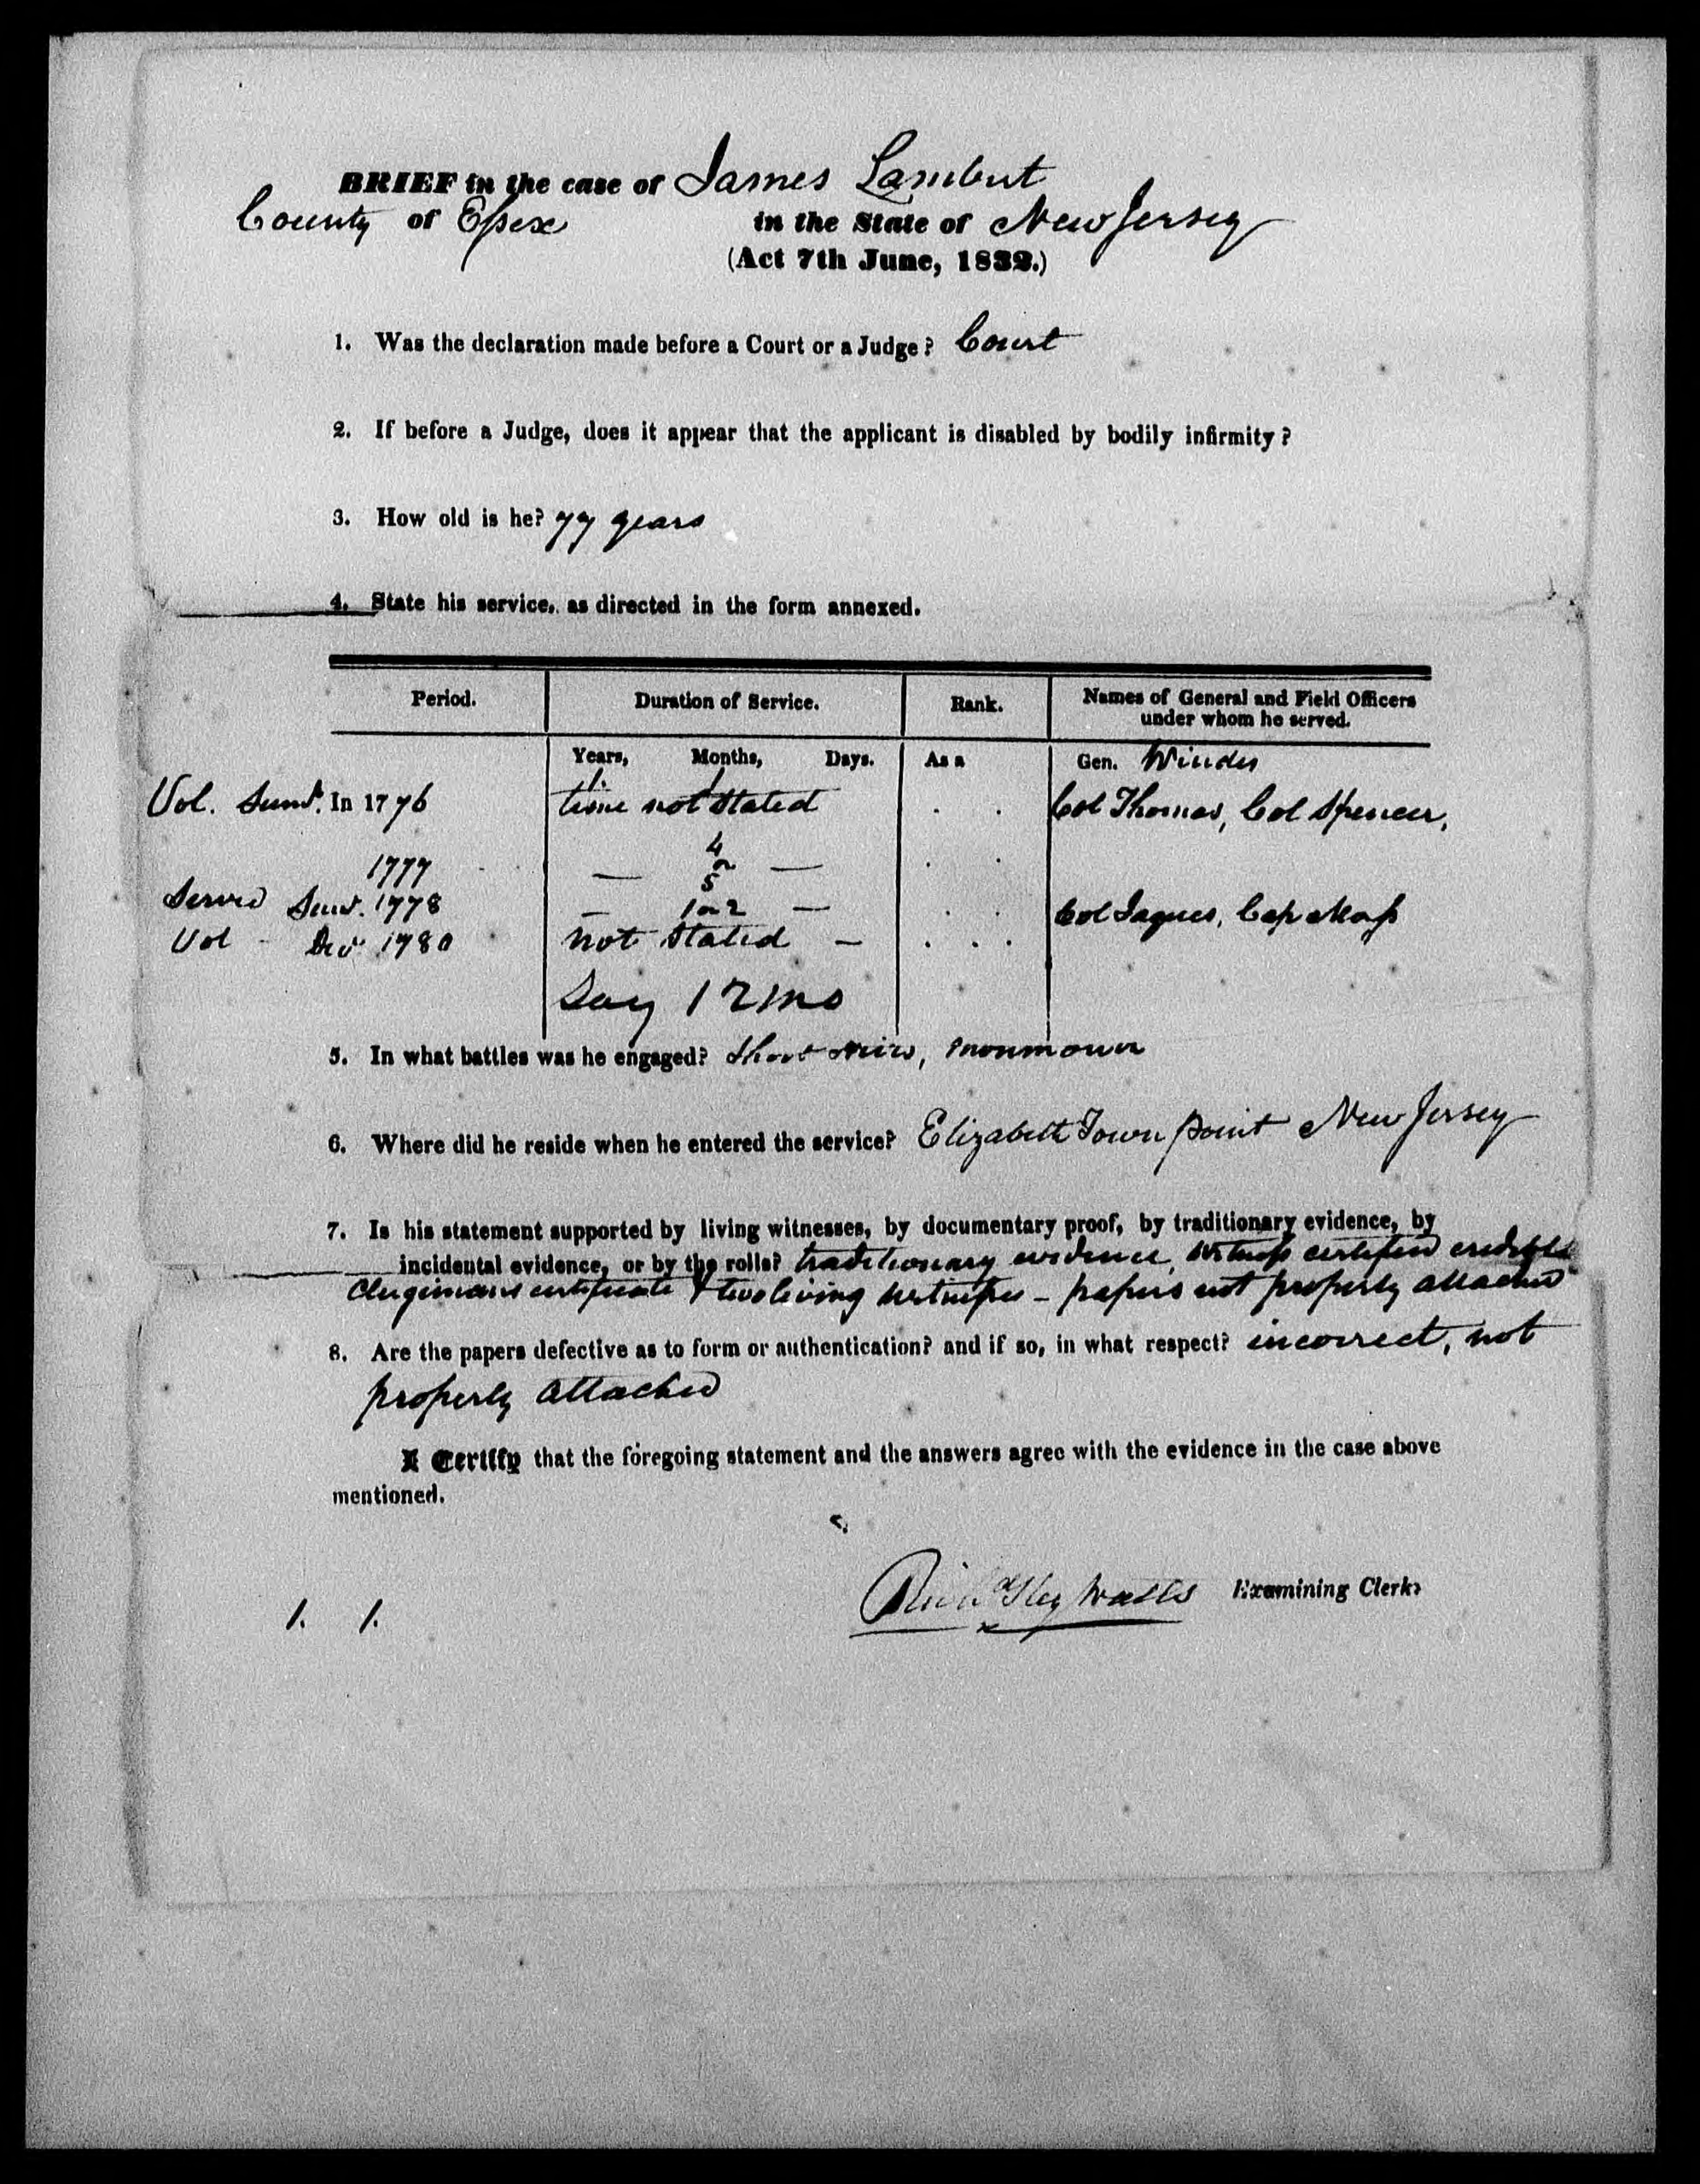BRIEF in the case of James Lambert County of Essex in the State of New Jersey
(Act 7th June, 1832.)
1. Was the declaration made before a Court or a Judge? Court
2. If before a Judge, does it appear that the applicant is disabled by bodily infirmity?
3. How old is he? 77 years
4. State his service, as directed in the form annexed.
Period.
Vol. Served In 1776
1777
Served Jan. 1778
Vol Decr 1780


Duration of Service.
Years,, Months, Days.
time not stated
- 4 or 5-
- 1 or 2 -
not stated
Say 12 mo.
Rank.
As a
Names of General and Field Officers under whom he served.
Gen Winder
Col Thomas, Col Spencer
Col Jaques, Cap Mass

5. In what battles was he engaged? Short [illegible]
6. Where did he reside when he entered the service? Elizabeth Town Point New Jersey
7. Is his statement supported by living witnesses, by documentary proof, by traditionary evidence, by incidental evidence, or by the rolls? traditionary evidence witness certified credible clergimans certificate & two living witnesses, papers not property attached
8. Are the papers defective as to form or authentication? and if so, in what respect? incorrect, not property attached
I certify that the foregoing statement and the answers agree with the evidence in the case above mentioned.
Richd Key Watts Examining Clerk
1. 1.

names: [BLANK] Jaques; James Lambert; [BLANK] Mass; Richd Key Watts; [BLANK] Thomas; [BLANK] Spencer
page: 5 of 49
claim: widow's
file: W. 859, for James Lambert, New Jersey